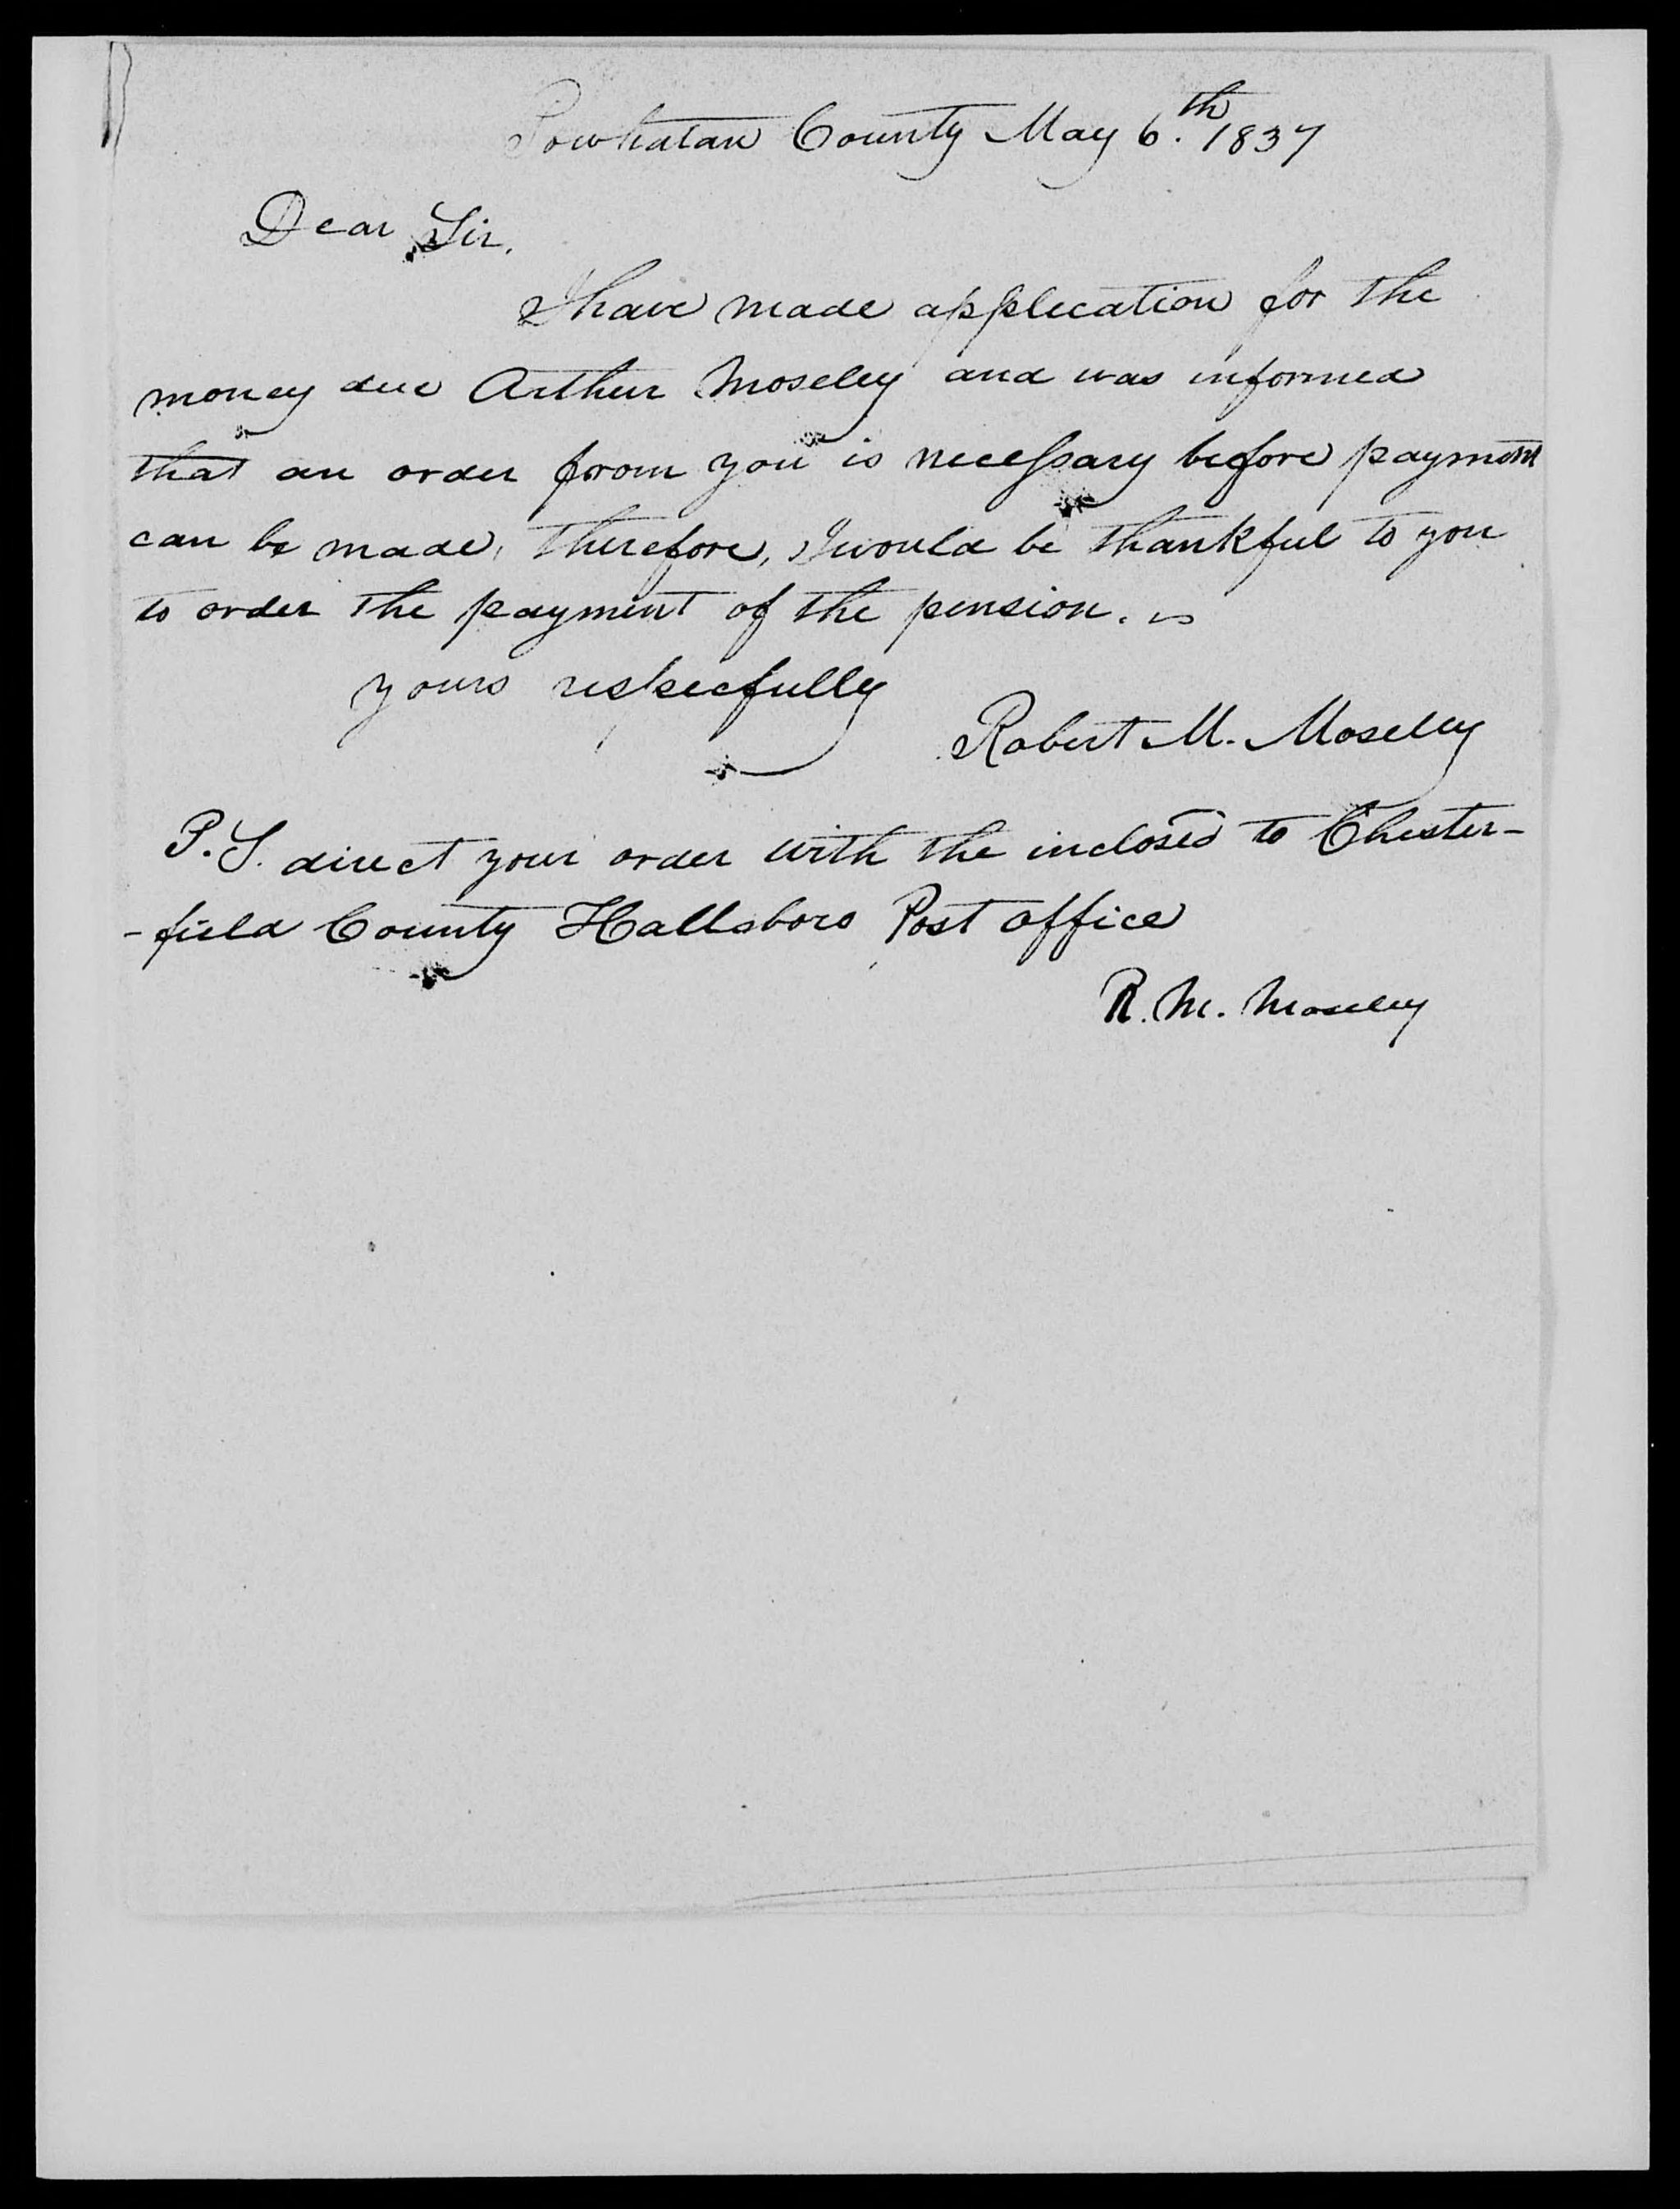Powhatan County May 6th. 1837

Dear Sir,

I have made application for the money due Arthur Moseley and was informed that an order from you is necessary before payment can be made.  Therefore, I would be thankful to you to order the payment of the pension. 
Yours respectfully [respectfully]

Robert M. Moseley

P.S. direct your order with the inclosed [enclosed] to Chesterfield County Hallsboro Post office

R. M. Moseley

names: Arthur Moseley; Robert M Moseley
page: 17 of 21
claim: survivor's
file: S. 7240, for Arthur Moseley, Virginia